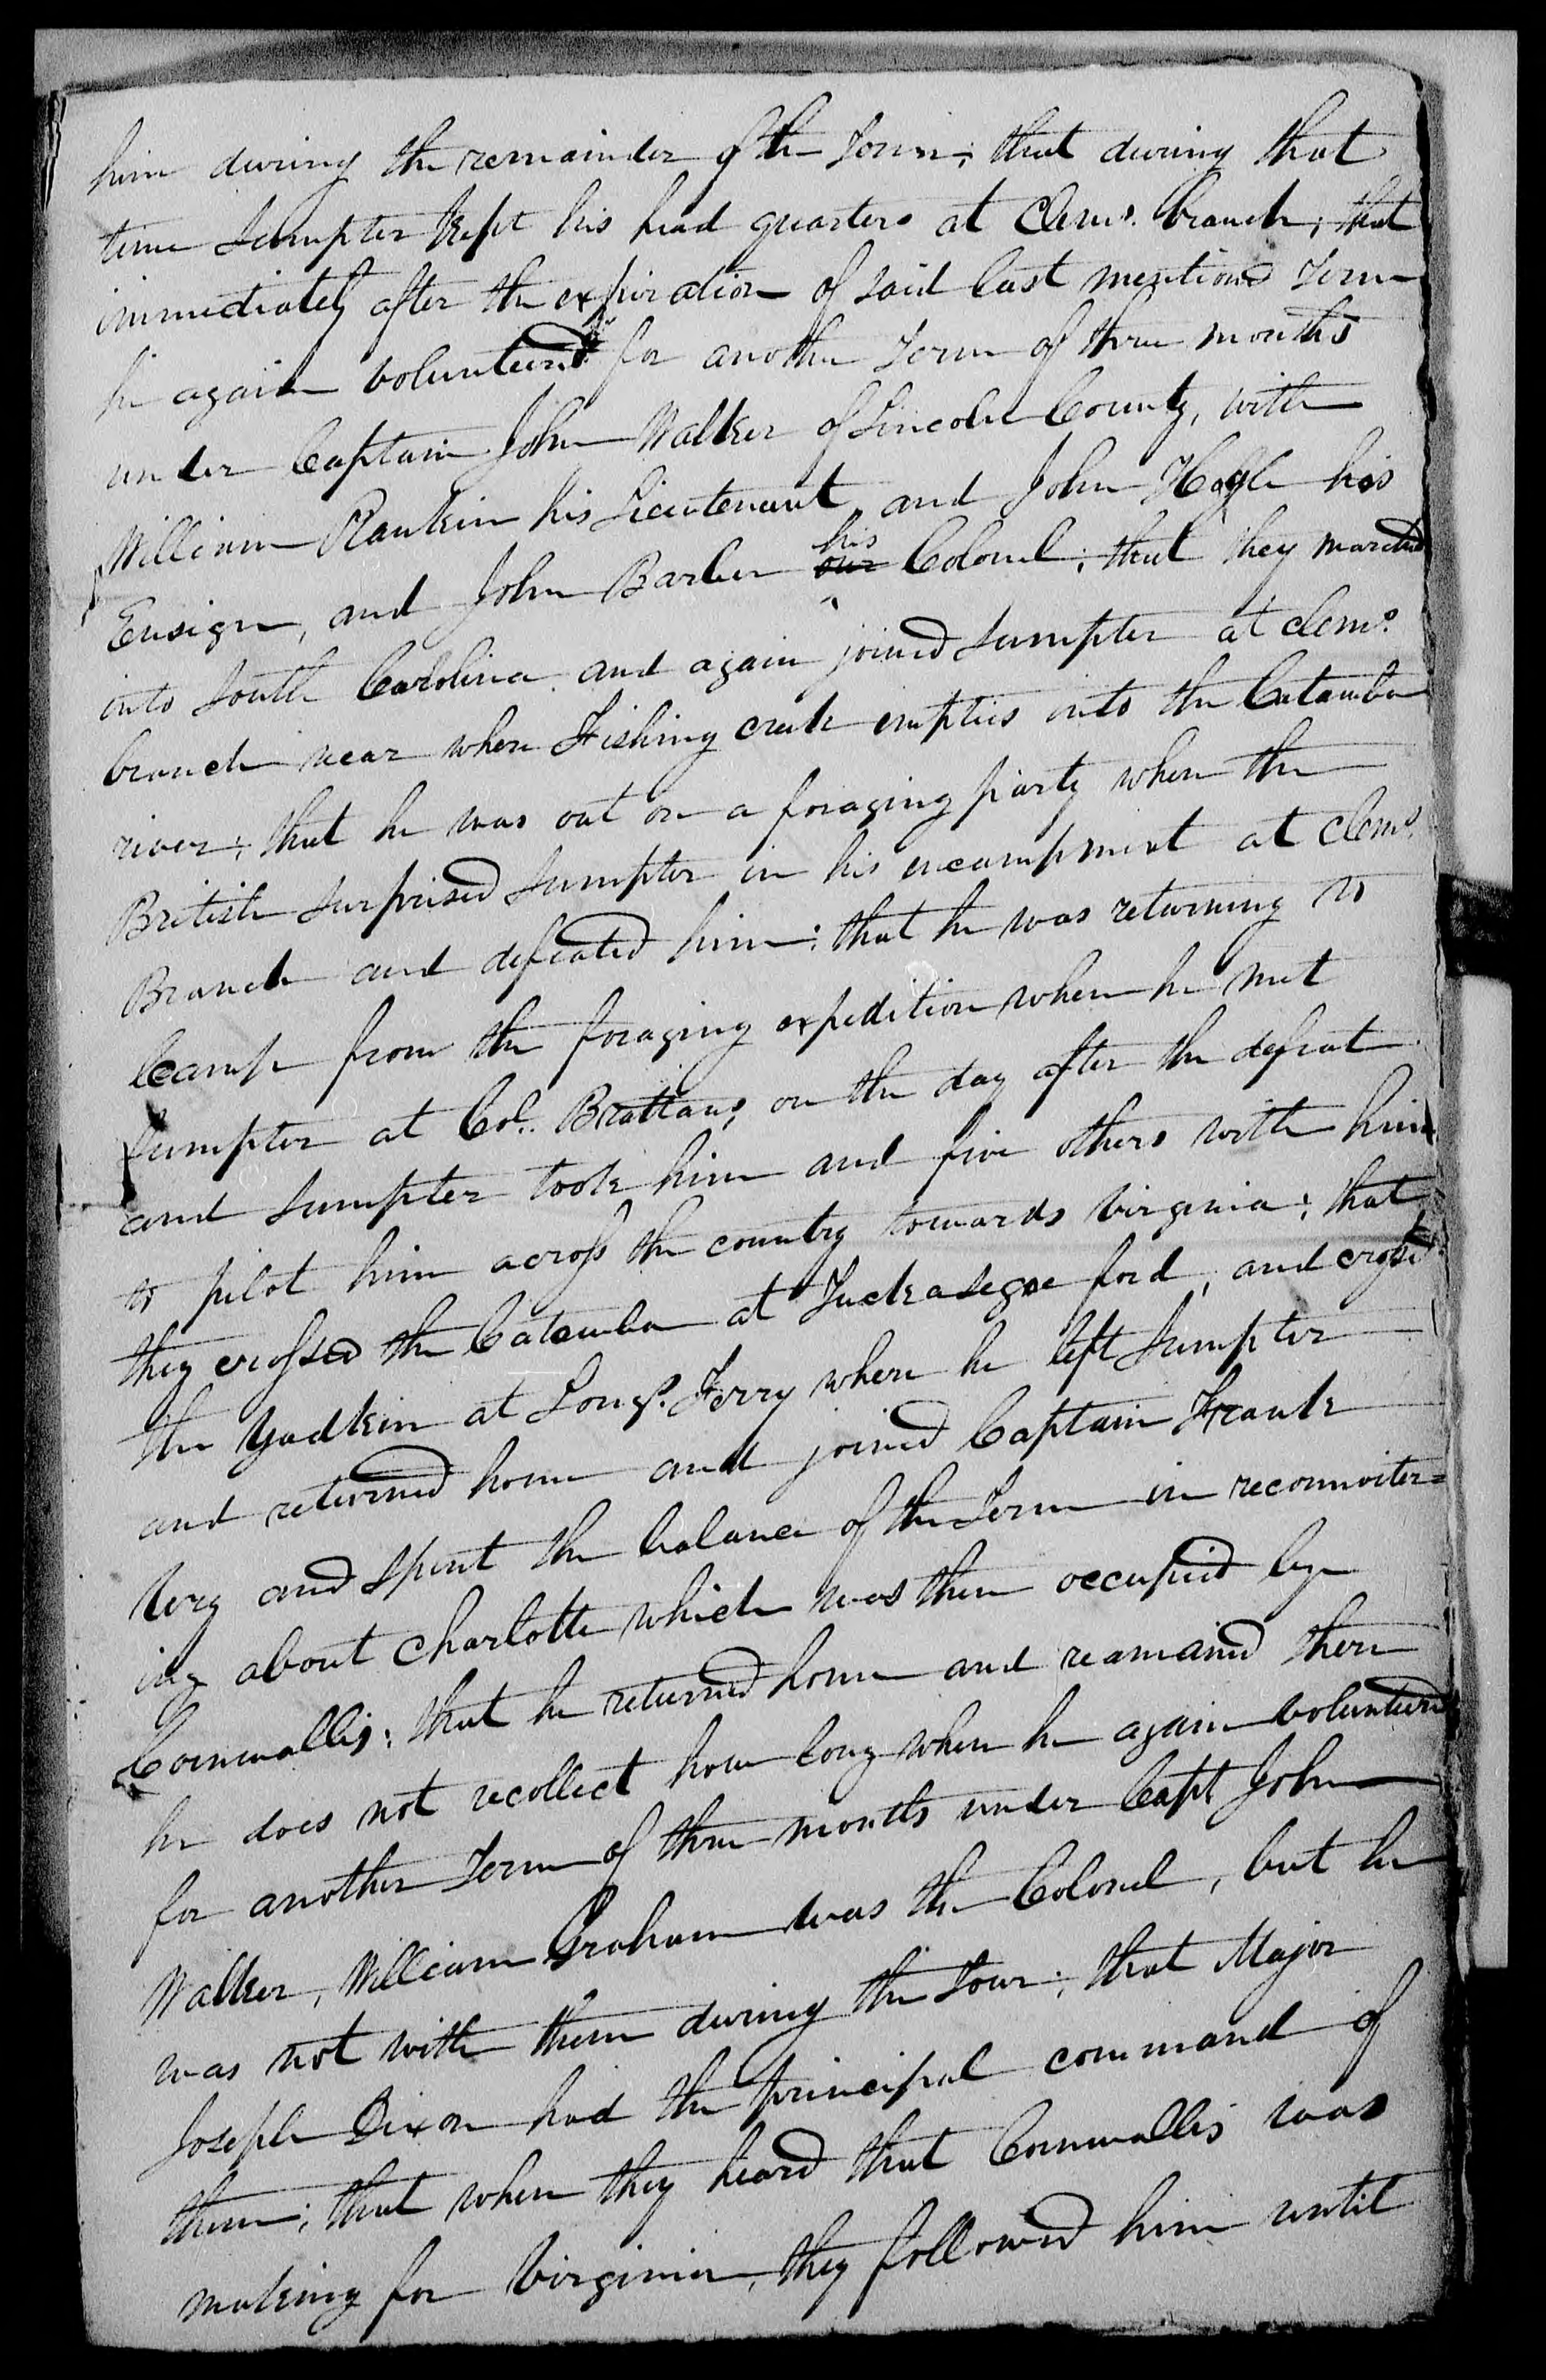him during the remainder of the Term; that during that time Sumter kept his head quarters at Clem's Branch; that immediately after the expiration of said last mentioned Term he again volunteered for another Tour of three months under Captain John Walker of Lincoln County, with William Rankin his Lieutenant and John Hoyle his Ensign, and John Barber his Colonel; that they marched into South Carolina and again joined Sumter at Clem's Branch near where Fishing Creek empties into the Catawba River; that he was out on foraging party when the British surprised Sumter and his encampment at Clem's Branch and defeated him [sic, Fishing Creek, August 18, 1780]; that he was returning to Camp from the foraging expedition when he met Sumter at Col. Bratton's [William Bratton’s] on the day after the defeat and Sumter took him and five others north with him to pilot him across the country towards Virginia; that they crossed the Catawba at Tuckaseegee Ford and crossed the Yadkin [River] at Long's Ferry where he left Sumter – and returned home and joined Captain Frank Long [?] and spent the balance of the Term in reconnoitering about Charlotte which was then occupied by Cornwallis; that he returned home and remained there he does not recollect how long when he again volunteered for another Term of three months under Captain John Walker, William Graham was the Colonel, but he was not with them during the Tour; that Major Joseph Dixon [Joseph Dickson] had the principal command of them; that when they heard that Cornwallis was making for Virginia, they followed him until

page: 12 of 67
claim: widow's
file: W. 21793, for George Mc Lain, North Carolina